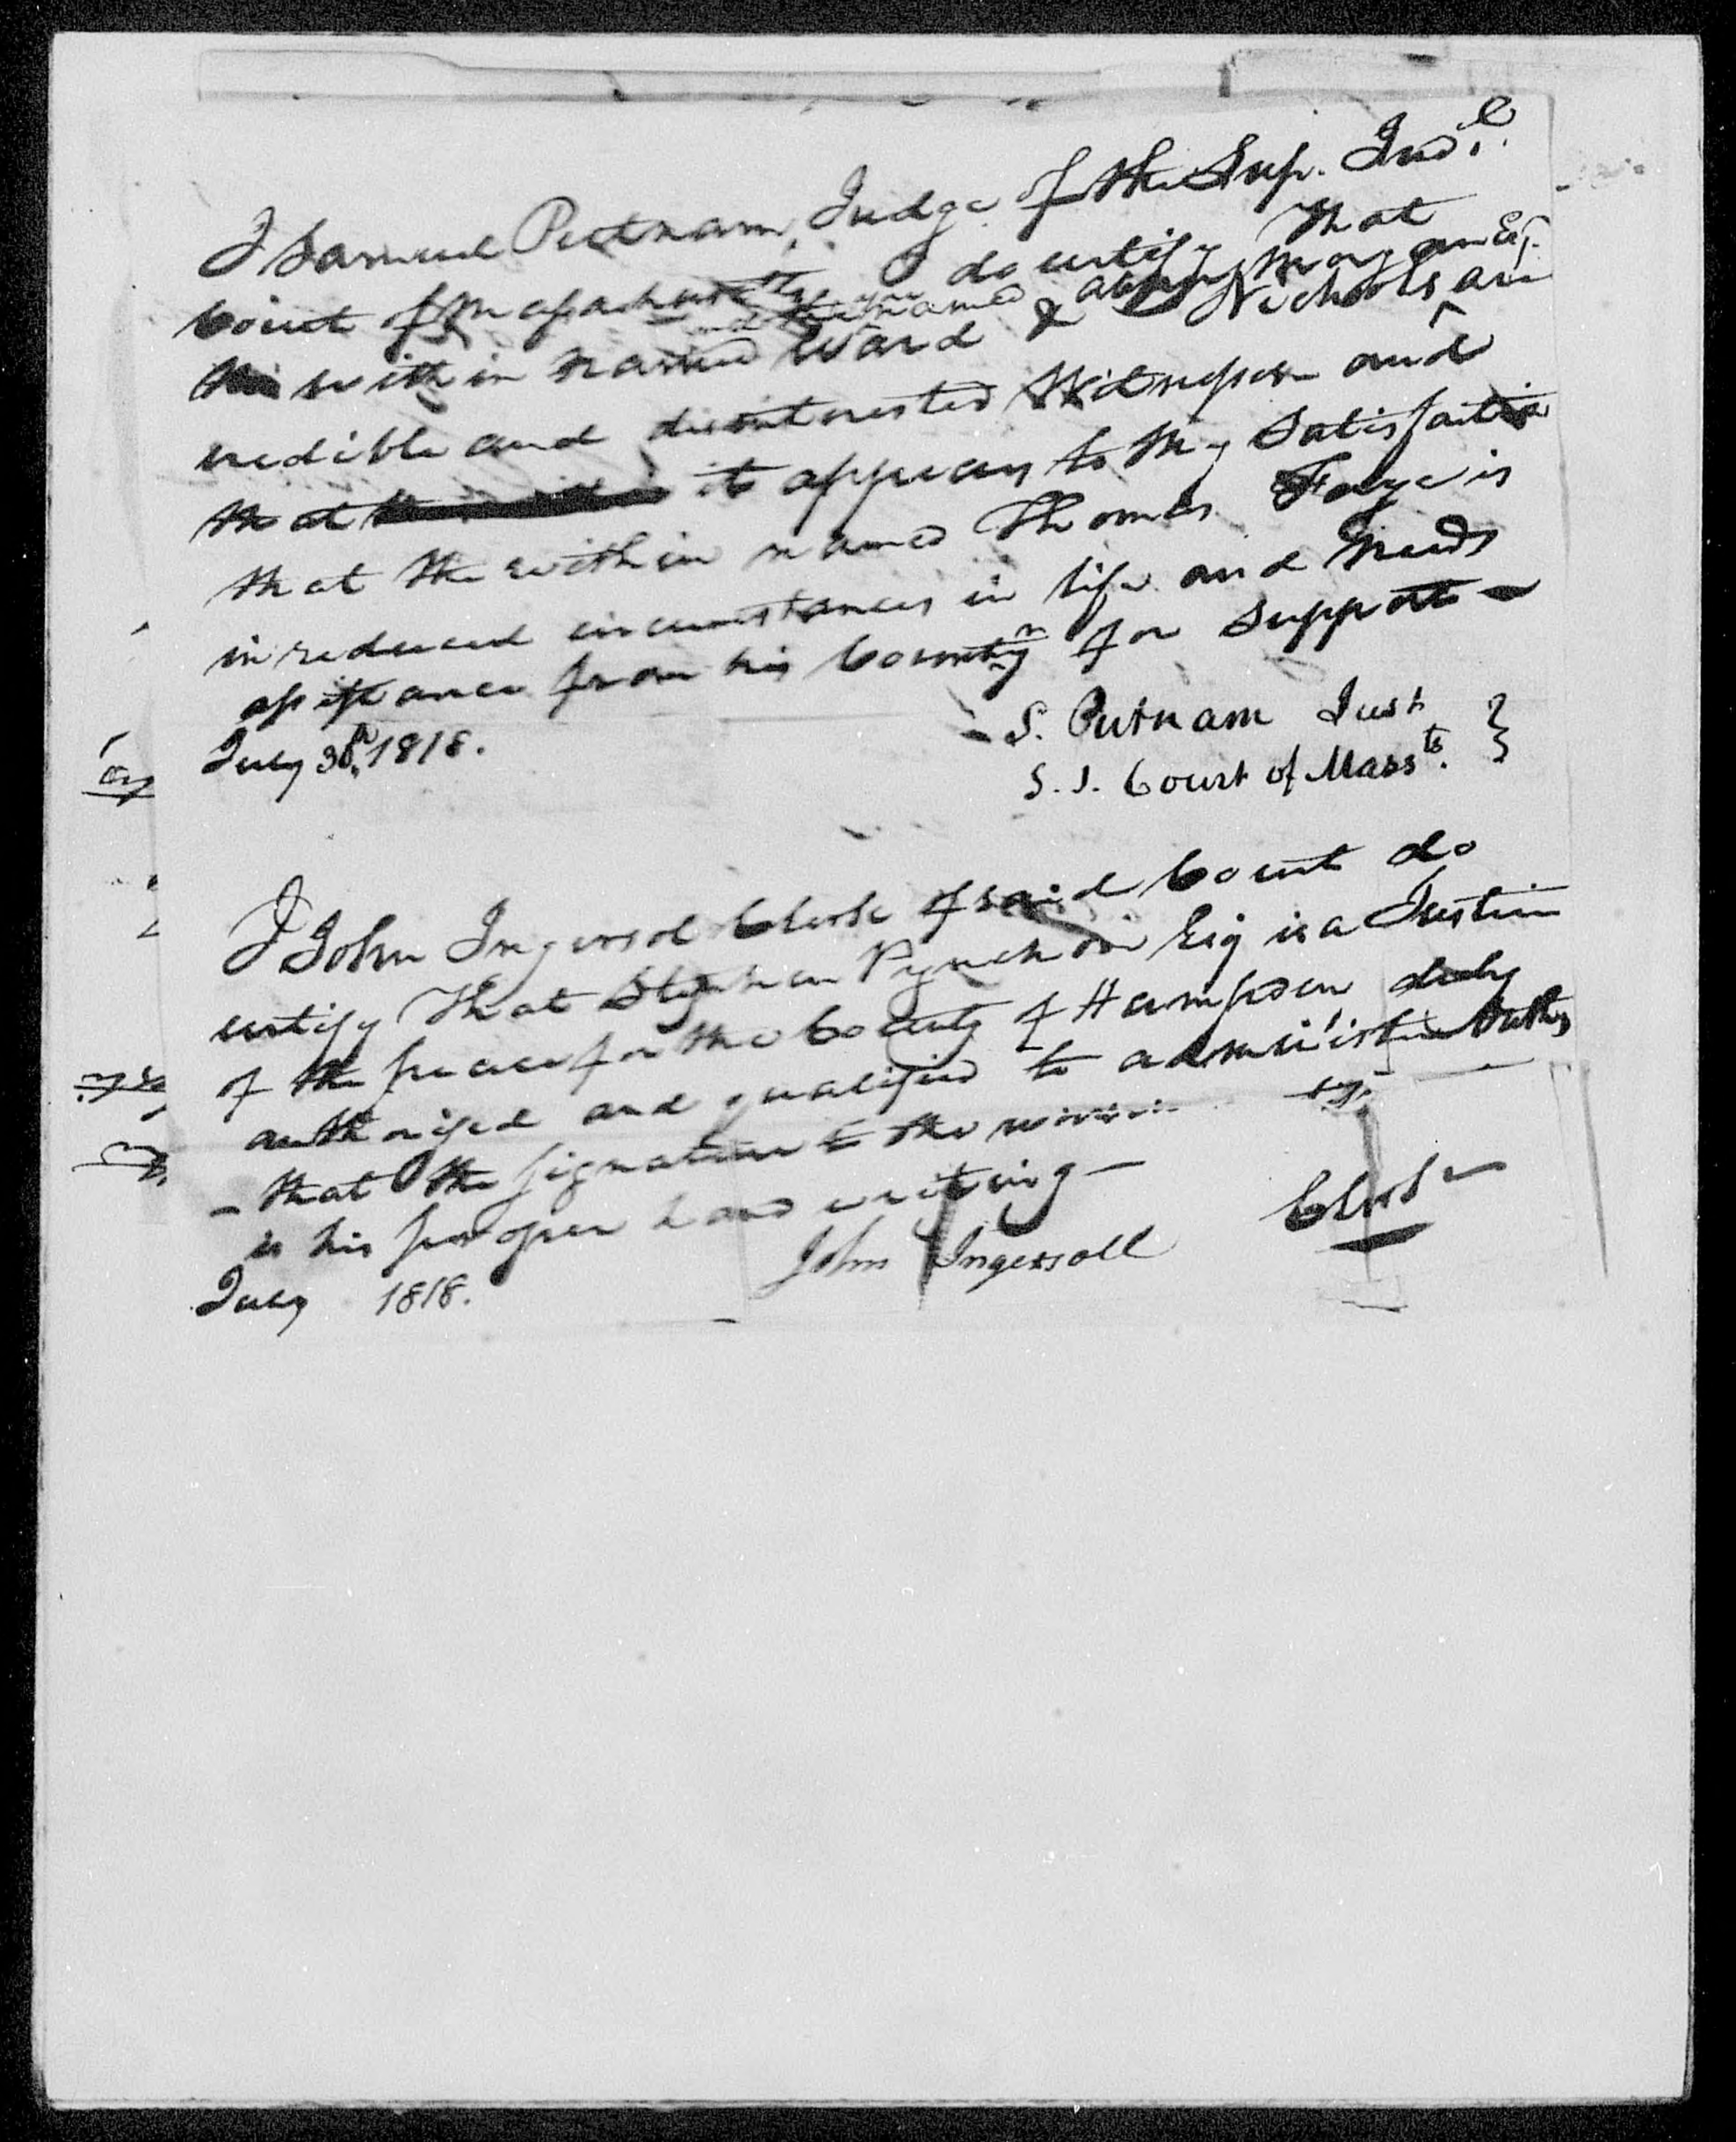I Samuel Putnam, Judge of the Sup. Jud'l Court of Massachusetts, do certify that within named ward & [illegible] Nichols credible and dissinterested Witnesses and it appears to my satisfaction that the within named Thomas Faye is in [illegible] in circumstances in life and needs assistance from his Country for Support July 30th, 1818. S. Putnam Just S.S. Court of Massts.  I John Ingersoll Clerk of said Court do certify that Stephen Pynchon Esq is a Justice of the peace and in the County of Hampden duly authorized and qualified to administer [illegible] that the signature in this [illegible] is his [illegible]  hand writing. July 1818.  John Ingersoll Clerk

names: Thomas Fay, Abner Morgan, John Ingersol, Stephen Pynchon, Nichols, S Putnam, John Ingersoll, Samuel Putnam, Ward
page: 8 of 31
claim: survivor's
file: S. 34,839, Thomas Fay, Mass.